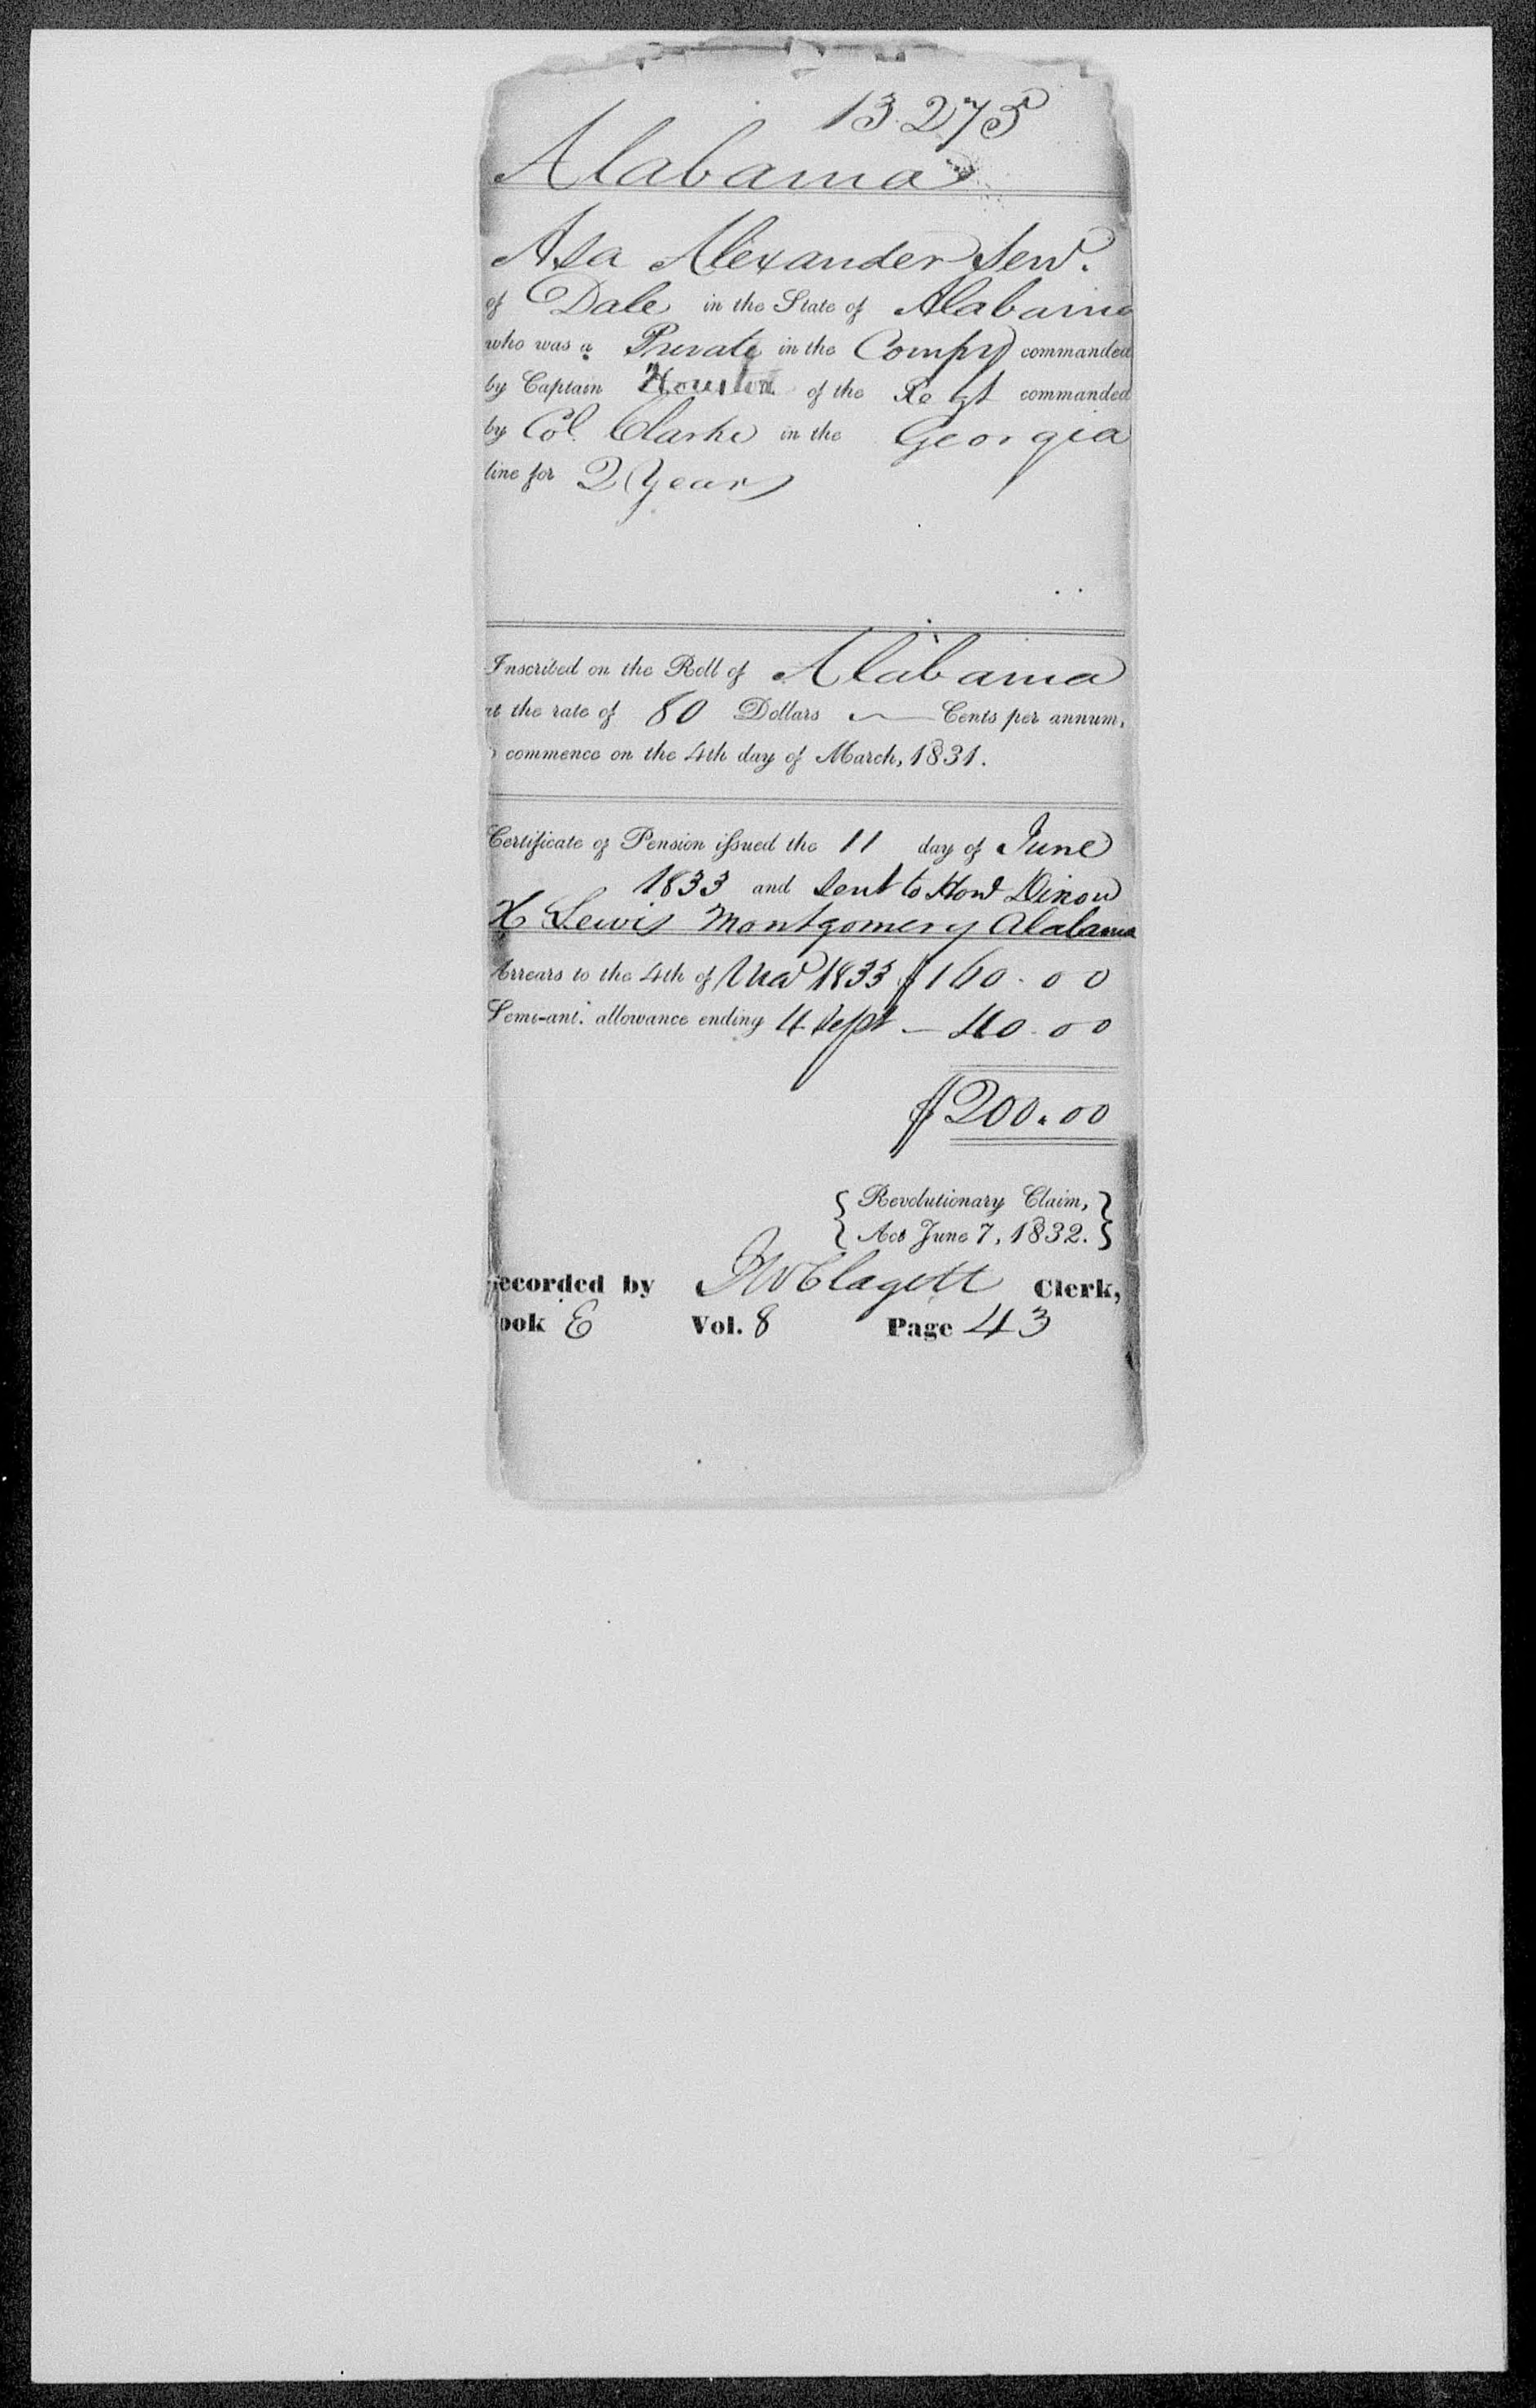13275
Alabama
Asa Alexander Sen. of Dale in the State of Alabama who was a Private in the Company commanded by Captain Houston of the Regt commanded by Col. Clarke in the Georgia line for 2 years. 

Inscribed on the Roll of Alabama at the rate of 80 Dollars - cents per annum [illegible] commence on the 4th day of March, 1831.

Certificate of Pension issued the 11 day of June 1833 and sent to Honl Dixon C Lewis Montgomery Alabama. Arrears to the 4th of March 1833 $160.00 Semi-anl. allowance ending 4 Sept. 40.00 $200.00

Recorded by JW Clagett Clerk, Book E Vol. 8 Page 43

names: H Lewis, Asa Alexander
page: 2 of 35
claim: survivor's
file: S. 32092, Asa Alexander, Ga.